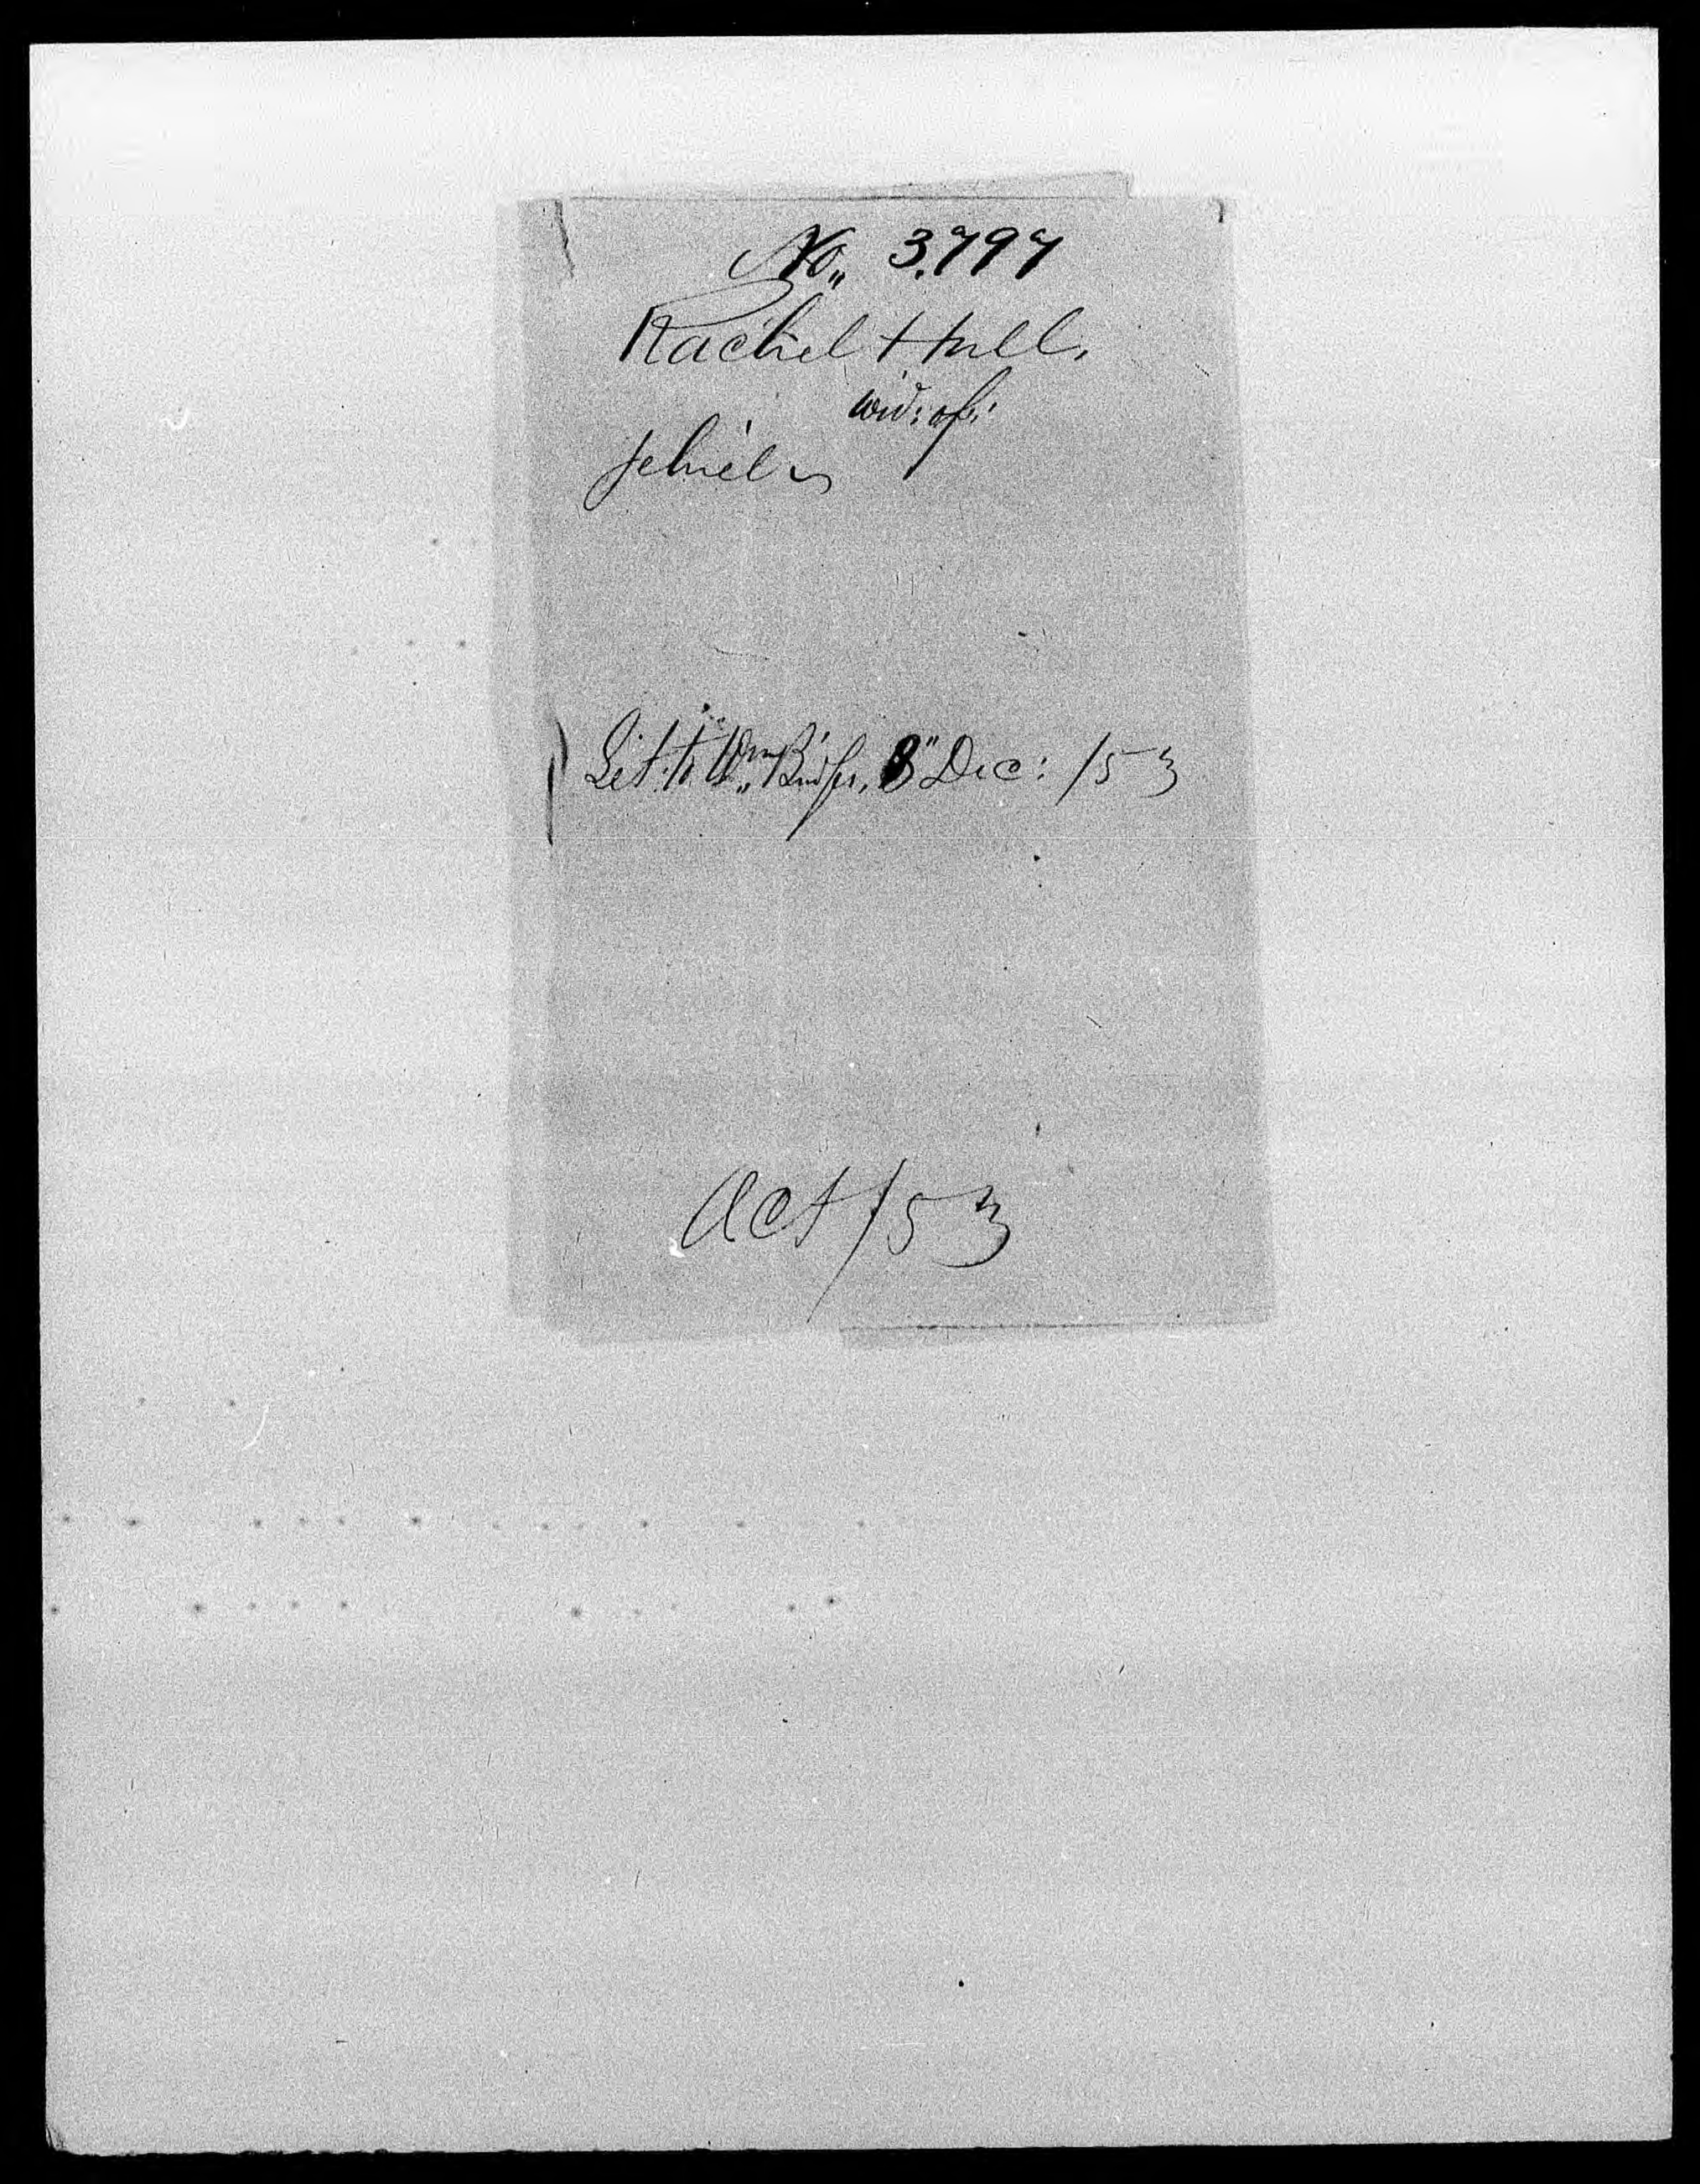No. 3794
Rachel Hull ww:of Jehiel
Set to ILLEGIBLE Dec:/53
Act/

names: Rachel Hull, Jehiel Hull, Wm Bridges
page: 26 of 58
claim: widow's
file: W. 25813, Jehiel Hull, Conn.